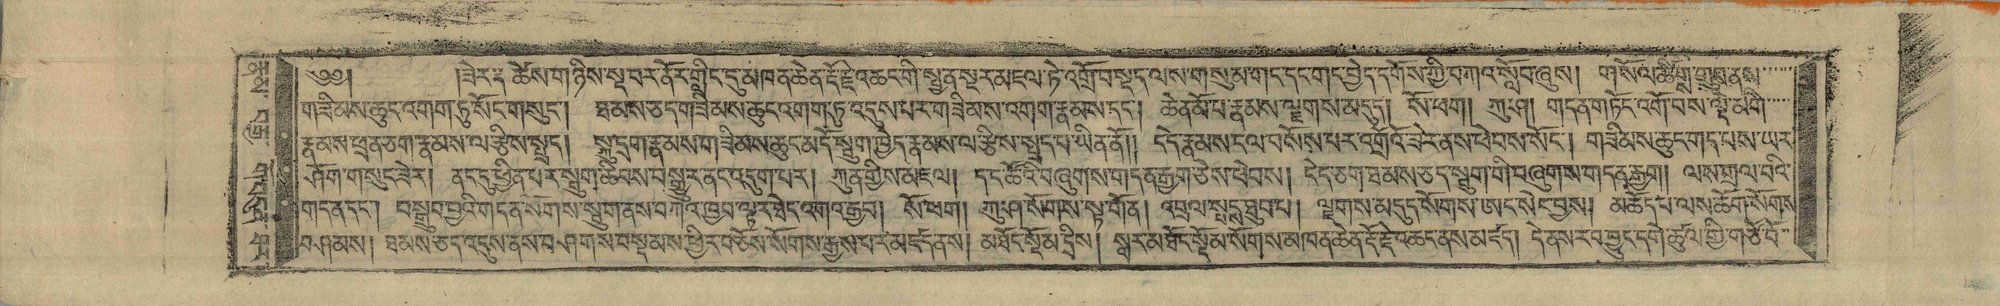༄༅། །ཟེར༑ ཚེས་གཉིས་སྔ་བར་ནོར་གླིང་དུ་མཁན་ཆེན་རྡོ་རྗེ་འཆང་གི་སྤྱན་སྔར་མཇལ་ཏེ་འགྲོ་བསྡད་ལས་གསུམ་གང་དང་གང་བྱེད་དགོས་ཀྱི་བཀའ་སློབ་ཞུས། གསོལ་ཚིགས་གྲུབ་ནས་
གཟིམས་ཆུང་འགག་ཏུ་སོང་གསུང་། ཐམས་ཅད་གཟིམས་ཆུང་འགག་ཏུ་འདུས་པར་གཟིམས་འགག་རྣམས་དང་། ཆེན་མོ་པ་རྣམས་ལྗགས་མདུད། སོ་ཕག །ཀུ་ཤ། གདན་གཏོང་འགོ་བས་ལྡེ་མིག་
རྣམས་ཕྲན་ཅག་རྣམས་ལ་རྩིས་སྤྲད། སྐུ་དྲག་རྣམས་གཟིམས་ཆུང་མདོ་སྦུག་ཁྱེད་རྣམས་ལ་རྩིས་སྤྲད་པ་ཡིན་ནོ། །ངེད་རྣམས་ངལ་བསོས་པར་འགྲོའི་ཟེར་ནས་ཕེབས་སོང་། གཟིམས་ཆུང་གད་པས་ཡར་
ཤོག་གསུང་ཟེར། ནང་དུ་ཕྱིན་པར་སྤུག་ཆིབས་བསྒྱུར་ནང་འདུག་པར། ཀུན་གྱིས་མཇལ། ད་ང་ཚོའི་བཞུགས་གདན་རྒྱག་ཅེས་ཕེབས། ངེད་ཅག་ཐམས་ཅད་སྦུག་གི་བཞུགས་གདན་རྒྱག །ལས་གྲལ་བའི་
གདན་དང་། བསྒྲུབ་བྱའི་གདན་སོགས་སྦུག་ནས་བཀའ་ཁྱབ་ལྟར་ཐེང་འགའ་རྒྱབ། སོ་ཕག །ཀུ་ཤ་སོགས་སྟ་གོན། འབྲལ་སྤངས་ཐུབ་པ། ལྗགས་མདུད་སོགས་ཨང་སེང་བྱས། མཆོད་པ་ལས་ཆོག་སོགས་
བཤམས། ཐམས་ཅད་འདུས་ནས་བཤགས་བསྡམས་ཕྱིར་བཅོས་སོགས་རྒྱས་པར་མཛད་ནས། མཐོང་སྡོམ་དྲིས། སླར་མཐོང་སྡོམ་སོགས་མཁན་ཆེན་རྡོ་རྗེ་འཆང་ནས་མཛད། དེ་ནས་རབ་བྱུང་དགེ་ཚུལ་གྱི་གཙོ་བོ་